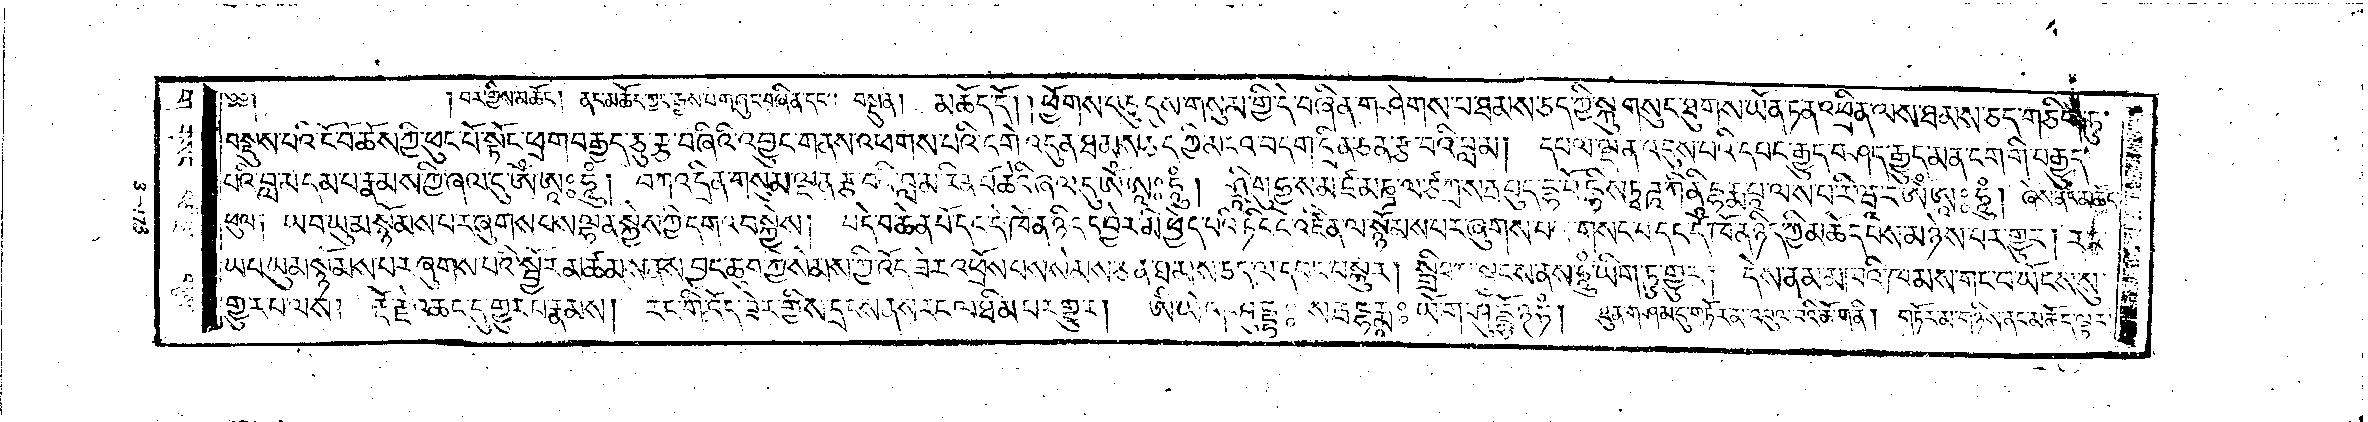༄༅། །བར་གྱིས་མཆོད། ནང་མཆོད་ཀྱང་རྒྱས་པ་གཞུང་བཞིན་དང་། བསྡུ་ན། མཆོད་དོ། །ཕྱོགས་བཅུ་དུས་གསུམ་གྱི་དེ་བཞིན་གཤེགས་པ་ཐམས་ཅད་ཀྱི་སྐུ་གསུང་ཐུགས་ཡོན་ཏན་འཕྲིན་ལས་ཐམས་ཅད་གཅིག་ཏུ་
བསྡུས་པའི་ངོ་བོ་ཆོས་ཀྱི་ཕུང་པོ་སྟོང་ཕྲག་བརྒྱད་ཅུ་རྩ་བཞིའི་འབྱུང་གནས་འཕགས་པའི་དགེ་འདུན་ཐམས་ཅད་ཀྱི་མངའ་བདག་དྲིན་ཅན་རྩ་བའི་བླ་མ། དཔལ་ལྡན་འདུས་པའི་དབང་རྒྱུད་བཤད་རྒྱུད་མན་ངག་གི་བརྒྱུད་
པའི་བླ་མ་དམ་པ་རྣམས་ཀྱི་ཞལ་དུ་ཨོཾ་ཨཱཿཧཱུཾ། བཀའ་དྲིན་གསུམ་ལྡན་རྩ་བའི་བླ་མ་རིན་པོ་ཆེའི་ཞལ་དུ་ཨོཾ་ཨཱཿཧཱུཾ། ཤྲཱི་གུཧྱ་ས་མ་ཛ་མཎྜ་ལ་ཙཀྲ་སརྦ་བུད་དྷ་པོ་དྷི་སྟྭ་ཌཱ་ཀི་ནི་དྷརྨ་པཱ་ལ་ས་པ་རི་ཝའ་ར་ཨོཾ་ཨཱཿཧཱུཾ། ཞེས་ནང་མཆོད་
ཕུལ༑ ཡབ་ཡུམ་སྙོམས་པར་ཞུགས་པས་ལྷན་སྐྱེས་ཀྱི་དགའ་བསྐྱེས། བདེ་བ་ཆེན་པོ་དང་དེ་ཁོ་ན་ཉིད་དབྱེར་མི་ཕྱེད་པའི་ཏིང་ངེ་འཛིན་ལ་སྙོམས་པར་ཞུགས་པས་གསང་བ་དང་དོཾ་ཁོ་ན་ཀྱི་མཆོད་པས་མཉེས་པར་གྱུར། རང་
ཡབ་ཡུམ་སྙོམས་པར་ཞུགས་པའི་སྦྱོར་མཚམས་ནས་བྱང་ཆུབ་ཀྱི་སེམས་ཀྱི་འོད་ཟེར་འཕྲོས་པས་སེམས་ཅན་ཐམས་ཅད་ལ་དབང་བསྐུར། སྒྲིབ་པ་སྦྱངས་ནས་ཧཱུཾ་ཡིག་ཏུ་གྱུར། དེས་ནམ་མཁའི་ཁམས་གང་བ་ཡོངས་སུ་
གྱུར་པ་ལས། རྡོ་རྗེ་འཆང་དུ་གྱུར་པ་རྣམས། རང་གི་འོད་ཟེར་གྱིས་དྲངས་ནས་རང་ལ་ཐིམ་པར་གྱུར། ཨོཾ་ཡོ་ག་ཤུདབྷཿསརྦ་དྷརྨཱཿ ཡོ་ག་ཤུདྡྷོ་ཉ྄ཧཾ། ཐུན་གཤམ་དུ་གཏོར་མ་འཕུལ་བའི་ཆོ་ག་ནི། གཏོར་མ་གཉིས་ནང་མཆོད་ལྟར་